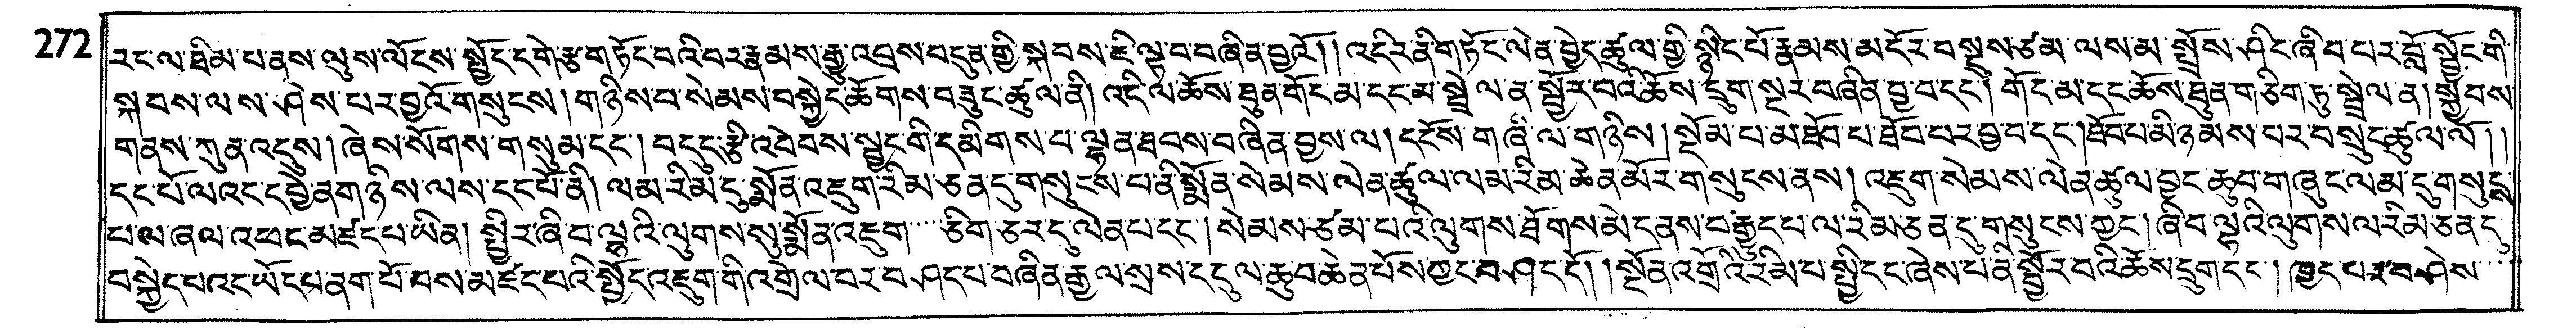རང་ལ་ཐིམ་པ་ནས་ལུས་ལོངས་སྤྱོད་དགེ་རྩ་གཏོང་བའི་བར་རྣམས་རྒྱུ་འབྲས་བདུན་གྱི་སྐབས་ཇི་ལྟ་བ་བཞིན་བྱའོ། །འདིར་ནི་གཏོང་ལེན་བྱེད་ཚུལ་གྱི་སྙིང་པོ་རྣམས་མདོར་བསྡུས་ཙམ་ལས་མ་སྤྲོས་ཤིང་ཞིབ་པར་བློ་སྦྱོང་གི་
སྐབས་ལས་ཤེས་པར་བྱའོ་གསུངས། གཉིས་པ་སེམས་བསྐྱེད་ཆོགས་བཟུང་ཚུལ་ནི། འདི་ལ་ཆོས་ཐུན་གོང་མ་དང་མ་སྦྲེལ་ན་སྦྱོར་བའི་ཆོས་དྲུག་སྔར་བཞིན་བྱ་བ་དང་། གོང་མ་དང་ཆོས་ཐུན་གཅིག་ཏུ་སྦྲེལ་ན། སྐྱབས་
གནས་ཀུན་འདུས། ཞེས་སོགས་གསུམ་དང་། བདུད་རྩི་འབེབས་སྦྱང་གི་དམིགས་པ་ལྷན་ཐབས་བཞིན་བྱས་ལ། དངོས་གཞི་ལ་གཉིས། སྡོམ་པ་མ་ཐོབ་པ་ཐོབ་པར་བྱ་བ་དང་། ཐོབ་པ་མི་ཉམས་པར་བསྲུང་ཚུལ་ལོ། །
དང་པོ་ལའང་དབྱེ་ན་གཉིས་ལས་དང་པོ་ནི། ལམ་རིམ་དུ་སྨོན་འཇུག་རིམ་ཅན་དུ་གསུངས་པ་ནི་སྨོན་སེམས་ལེན་ཚུལ་ལམ་རིམ་ཆེན་མོར་གསུངས་ནས། འཇུག་སེམས་ལེན་ཚུལ་བྱང་ཆུབ་གཞུང་ལམ་དུ་གསུངས་
པ་ལ་ཞལ་འཕང་མཛད་པ་ཡིན། སྤྱིར་ཞི་བ་ལྷའི་ལུགས་སུ་སྨོན་འཇུག་ཅིག་ཅར་དུ་ལེན་པ་དང་། སེམས་ཙམ་པའི་ལུགས་ཐོགས་མེད་ནས་བརྒྱུད་པ་ལ་རིམ་ཅན་དུ་གསུངས་ཀྱང་། ཞི་བ་ལྷའི་ལུགས་ལ་རིམ་ཅན་དུ་
བསྐྱེད་པའང་ཡོད་པ་ནག་པོ་བས་མཛད་པའི་སྤྱོད་འཇུག་གི་འགྲེལ་བར་བཤད་པ་བཞིན་རྒྱལ་སྲས་དངུལ་ཆུ་བ་ཆེན་པོས་ཀྱང་བཤད་དོ། །སྔོན་འགྲོའི་རིམ་པ་སྤྱི་དང་ཞེས་པ་ནི་སྦྱོར་བའི་ཆོས་དྲུག་དང་། ཁྱད་པར་བཤེས་